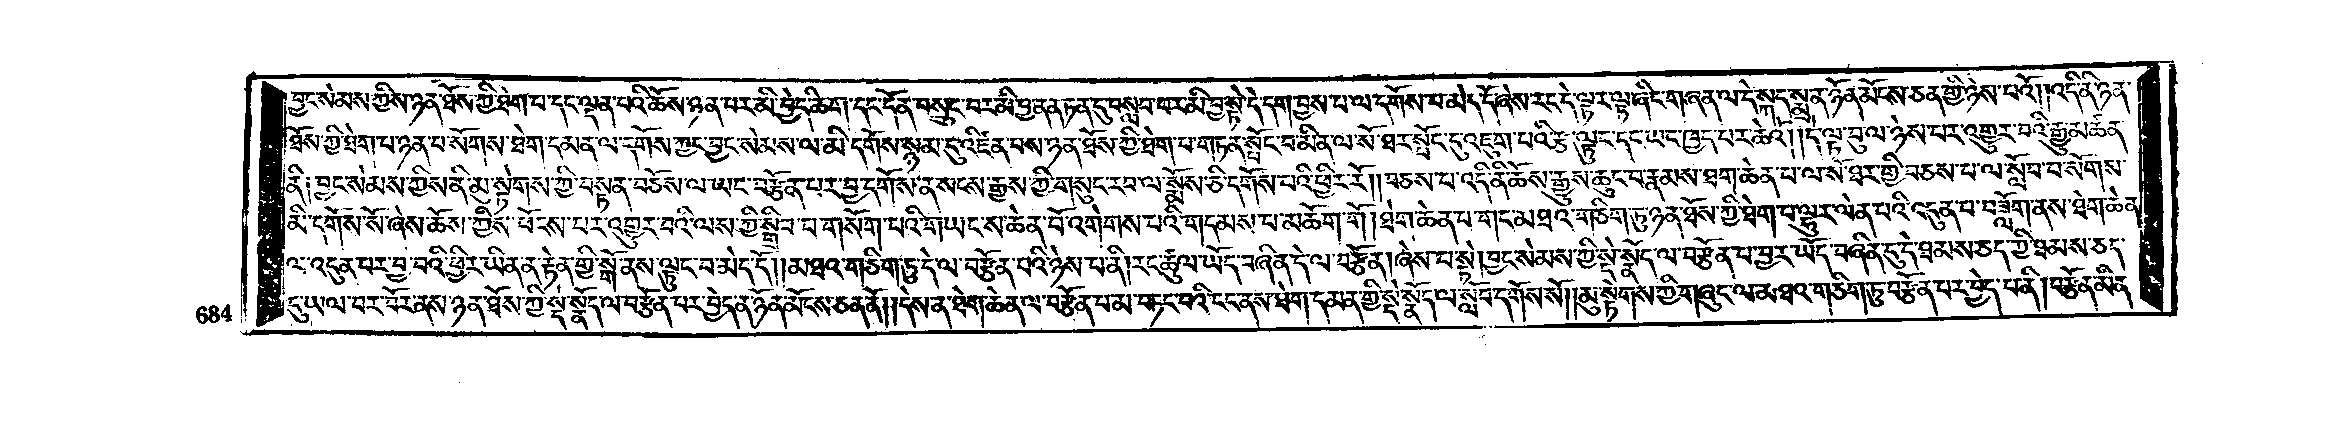བྱང་སེམས་ཀྱིས་ཉན་ཐོས་ཀྱི་ཐེག་པ་དང་ལྡན་པའི་ཆོས་ཉན་པར་མི་བྱེད་ཚིག་དང་དོན་བསྲུང་བར་མི་བྱ་ནན་ཏན་དུ་བསླབ་པར་མི་བྱ་སྟེ་དེ་དག་བྱས་པ་ལ་དགོས་པ་མེད་དོ་ཞེས་རང་དེ་ལྟར་ལྟ་ཞིང་གཞན་ལ་དེ་སྐད་སྨྲ་ན་ཉོན་མོངས་ཅན་གྱི་ཉེས་པའོ། །འདི་ནི་ཉན་
ཐོས་ཀྱི་ཐེག་པ་ཉན་པ་སོགས་ཐེག་དམན་ལ་དགོས་ཀྱང་བྱང་སེམས་ལ་མི་དགོས་སྙམ་དུ་འཛིན་པས་ཉན་ཐོས་ཀྱི་ཐེག་པ་གཏན་སྤོང་བ་མིན་ལ་སོ་ཐར་སྤོང་དུ་འཇུག་པའི་རྩ་ལྟུང་དང་ཡང་ཁྱད་པར་ཆེའོ། །དེ་ལྟ་བུ་ལ་ཉེས་པར་འགྱུར་བའི་རྒྱུ་མཚན་
ནི༑ བྱང་སེམས་ཀྱིས་ནི་མུ་སྟེགས་ཀྱི་བསྟན་བཅོས་ལ་ཡང་བརྩོན་པར་བྱ་དགོས་ན་སངས་རྒྱས་ཀྱི་གསུང་རབ་ལ་སྨོས་ཅི་དགོས་པའི་ཕྱིར་རོ། །བཅས་པ་འདི་ནི་ཆོས་རྒྱུས་ཆུང་བ་རྣམས་ཐག་ཆེན་པ་ལ་སོ་ཐར་གྱི་བཅས་པ་ལ་སློབ་པ་སོགས་
མི་དགོས་སོ་ཞེས་ཆོས་ཀྱིས་ཕོངས་པར་འགྱུར་བའི་ལས་ཀྱི་སྒྲིབ་པ་གསོག་པའི་གཡང་ས་ཆེན་པོ་འགེགས་པའི་གདམས་པ་མཆོག་གོ །ཐེག་ཆེན་པ་གང་མཐའ་གཅིག་ཏུ་ཉན་ཐོས་ཀྱི་ཐེག་པ་ལྷུར་ལེན་པའི་འདུན་པ་བཟློག་ནས་ཐེག་ཆེན་
ལ་འདུན་པར་བྱ་བའི་ཕྱིར་ཡིན་ན་རྟེན་གྱི་སྒོ་ནས་ལྟུང་བ་མེད་དོ། །མཐའ་གཅིག་ཏུ་དེ་ལ་བརྩོན་པའི་ཉེས་པ་ནི། རང་ཚུལ་ཡོད་བཞིན་དེ་ལ་བརྩོན། ཞེས་པ་སྟེ། བྱང་སེམས་ཀྱི་སྡེ་སྣོད་ལ་བརྩོན་པ་བྱར་ཡོད་བཞིན་དུ་དེ་ཐམས་ཅད་ཀྱི་ཐམས་ཅད་
དུ་ཡལ་བར་བོར་ནས་ཉན་ཐོས་ཀྱི་སྡེ་སྣོད་ལ་བརྩོན་པར་བྱེད་ན་ཉོན་མོངས་ཅན་ནོ། །དེས་ན་ཐེག་ཆེན་ལ་བརྩོན་པ་མ་བཏང་བའི་ངང་ནས་ཐེག་དམན་གྱི་སྡེ་སྣོད་ལ་སློབ་དགོས་སོ། །མུ་སྟེགས་ཀྱི་གཞུང་ལ་མཐའ་གཅིག་ཏུ་བརྩོན་པར་བྱེད་པ་ནི། བརྩོན་མིན་